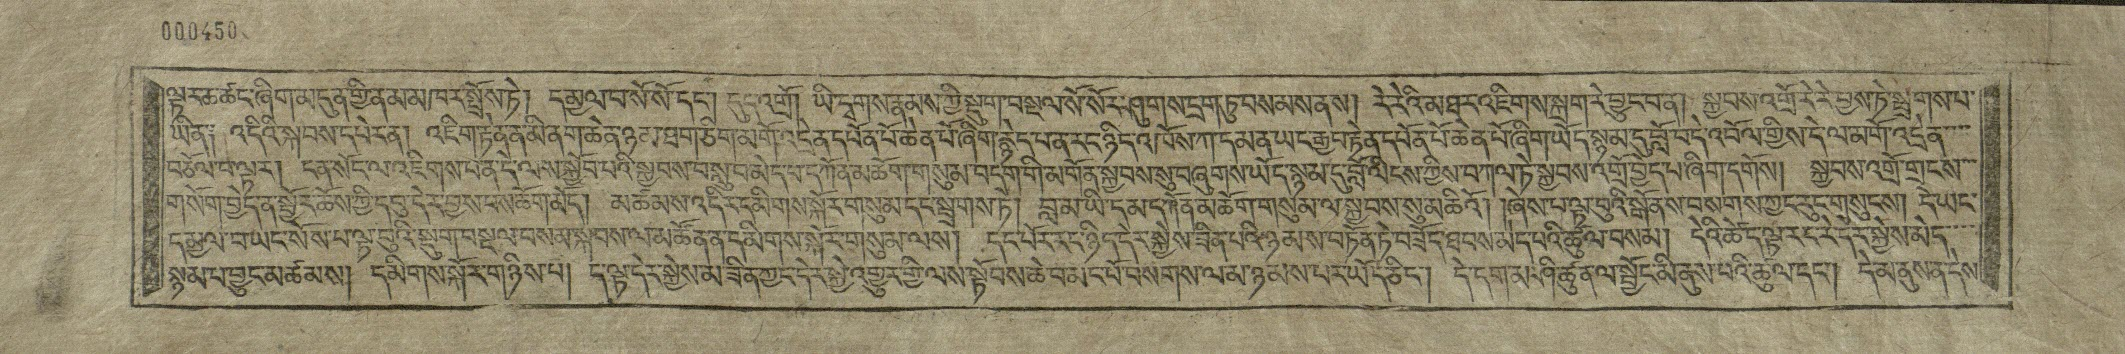ལྟར་ཆ་ཚང་ཞིག་མདུན་གྱི་ནམ་མཁར་སྤྲོས་ཏེ། དམྱལ་བ་སོ་སོ་དང་། དུད་འགྲོ། ཡི་དྭགས་རྣམས་ཀྱི་སྡུག་བསྔལ་སོ་སོར་ཤུགས་དྲག་ཏུ་བསམས་ནས། རེ་རེའི་མཐར་འཇིགས་སྐྲག་རེ་བྱུང་བ་ན། སྐྱབས་འགྲོ་རེ་རེ་བྱས་ཏེ་སྦྲགས་པ་
ཡིན༑ འདིའི་སྐབས་དཔེར་ན། འཇིག་རྟེན་ན་མི་ནག་ཆེན་ཉམ་ཐག་ཅིག་མགོ་འདྲེན་དཔོན་པོ་ཆེན་པོ་ཞིག་རྙེད་པ་ན་རང་ཉིད་འཁོས་ཀ་དམན་ཡང་རྒྱབ་རྟེན་དཔོན་པོ་ཆེན་པོ་ཞིག་ཡོད་སྙམ་དུ་བློ་བདེ་འབོལ་གྱིས་དེ་ལ་མགོ་འདྲེན་
བཅོལ་བ་ལྟར། ངན་སོང་ལ་འཇིགས་པ་ན་དེ་ལས་སྐྱོབ་པའི་སྐྱབས་བསླུ་བ་མེད་པ་དཀོན་མཆོག་གསུམ་བདག་གི་མགོན་སྐྱབས་སུ་བཞུགས་ཡོད་སྙམ་དུ་བློ་ལིངས་ཀྱིས་བཀལ་ཏེ་སྐྱབས་འགྲོ་བྱེད་པ་ཞིག་དགོས། སྐྱབས་འགྲོ་གྲངས་
གསོག་བྱེད་ན་སྦྱོར་ཆོས་ཀྱི་དབུ་དེར་བྱས་པས་ཆོག་མོད། མཚམས་འདིར་དམིགས་སྐོར་གསུམ་དང་སྦྲགས་ཏེ། བླ་མ་ཡི་དམ་དཀོན་མཆོག་གསུམ་ལ་སྐྱབས་སུ་མཆིའོ། །ཞེས་པ་ལྟ་བུའི་སྒོ་ནས་བསགས་ཀྱང་རུང་གསུངས། དེ་ཡང་
དམྱལ་བ་ཡང་སོས་པ་ལྟ་བུའི་སྡུག་བསྔལ་བསམ་སྐབས་ལ་མཚོན་ན་དམིགས་སྐོར་གསུམ་ལས། དང་པོར་རང་ཉིད་དེར་སྐྱེས་ཟིན་པའི་ཉམས་བཏོན་ཏེ་བཟོད་ཐབས་མེད་པའི་ཚུལ་བསམ། དེའི་ཚེ་ད་ལྟ་རང་རེ་དེར་སྐྱེས་མེད་
སྙམ་པ་བྱུང་མཚམས། དམིགས་སྐོར་གཉིས་པ། ད་ལྟ་དེར་སྐྱེས་མ་ཟིན་ཀྱང་དེར་སྐྱེ་འགྱུར་གྱི་ལས་སྟོབས་ཆེ་བ་མང་པོ་བསགས་ལ་མ་ཉམས་པར་ཡོད་ཅིང་། དེ་དག་མ་ཤི་ཚུན་ལ་སྦྱོང་མི་ནུ་པའི་ཚུལ་དང་། དེ་མ་ནུས་ན་དེས་